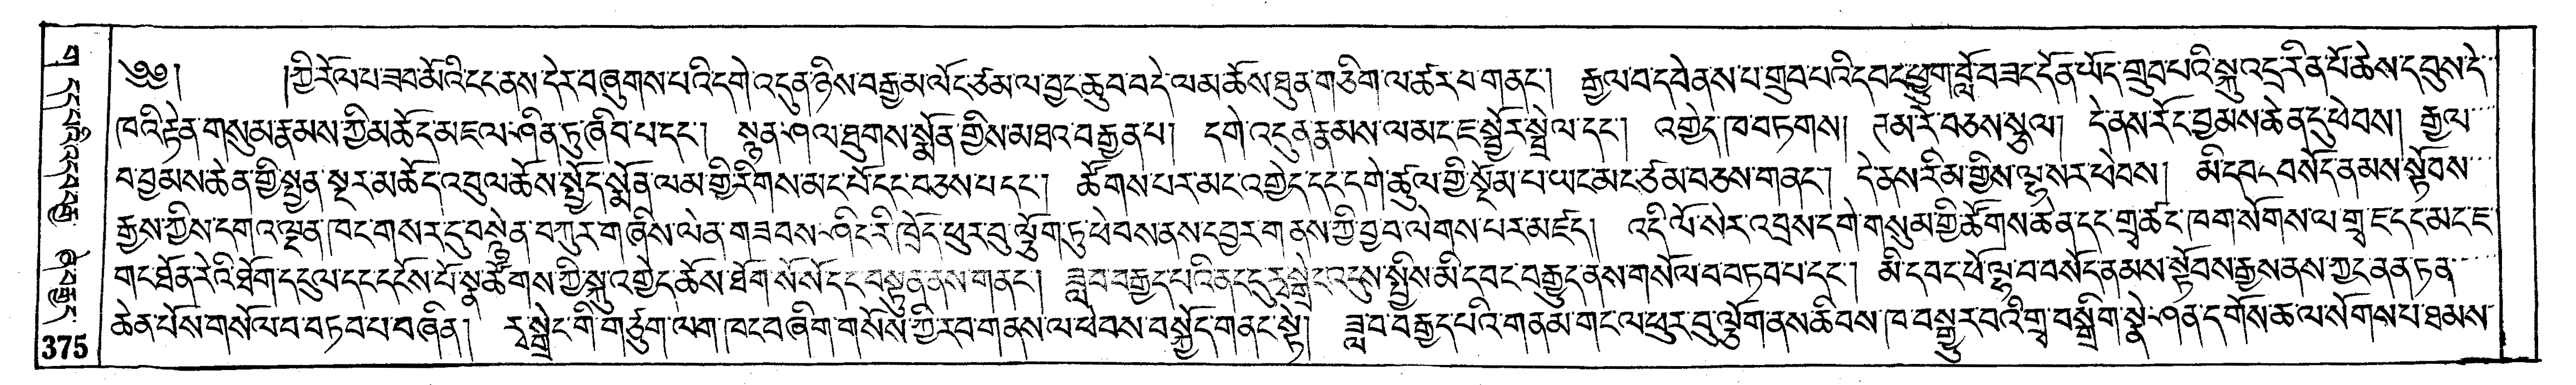༄༅། །ཀྱི་རོལ་པ་ཟབ་མོའི་ངང་ནས་དེར་བཞུགས་པའི་དགེ་འདུན་ཉིས་བརྒྱ་མ་ལོང་ཙམ་ལ་བྱང་ཆུབ་བདེ་ལ་མཆོས་ཐུན་གཅིག་ལ་ཚར་བ་གནང་། རྒྱལ་བ་དབེན་ས་བ་གྲུབ་པའི་དབང་ཕྱུག་བློ་བཟང་དོན་ཡོད་གྲུབ་པའི་སྐུ་འདྲ་རིན་པོ་ཆེས་དབུས་དེ་
ཁའི་རྟེན་གསུམ་རྣམས་ཀྱི་མཆོད་མཇལ་ཤིན་ཏུ་ཞིབ་པ་དང་། སྙན་ཤལ་ཐུགས་སྨོན་གྱིས་མཐའ་བརྒྱན་བ། དགེ་བདུན་རྣམས་ལ་མང་ཇ་སྦྱོར་སྦྲེལ་དང་། འགྱེད་ཁ་བཏགས། ཊམ་རེ་བཅས་སྩལ། དེ་ནས་རོང་བྱམས་ཆེན་དུ་ཕེབས། རྒྱལ་
བ་བྱམས་ཆེན་གྱི་སྤྱན་སྔར་མཆོད་འབུལ་ཆོས་སྤྱོད་སྨོན་ལམ་གྱི་རིགས་མང་པོ་དང་བཅས་པ་དང་། ཚོགས་པར་མང་འགྱེད་དང་དགེ་ཚུལ་གྱི་སྔོམ་པ་ཡང་མང་ཙམ་བཅས་གནང་། དེ་ནས་རིམ་གྱིས་ལྷ་སར་ཕེབས། མི་དབང་བསོད་ནམས་སྟོབས་
རྒྱས་ཀྱིས་དགའ་ལྡན་ཁང་གསར་དུ་བསྙེན་བཀུར་གཞིས་ལེན་གཟབས་ཤིང་རི་ཁྲོད་ཕུར་བུ་ལྕོག་ཏུ་ཕེབས་ནས་དབྱར་གནས་ཀྱི་བྱ་བ་ལེགས་པར་མཛད། འདི་ལོ་སེར་འབྲས་དགེ་གསུམ་གྱི་ཚོགས་ཆེན་དང་གྲྭ་ཚང་ཁག་སོགས་ལ་གྲྭ་ཇ་དང་མང་ཇ་
གང་ཐོན་རེའི་ཐོག་དངུལ་དང་དངོས་པོ་སྣ་ཚོགས་ཀྱི་སྐུ་འགྱེད་ཆོས་ཐོག་སོ་སོ་དང་བསྟུན་ནས་གནང་། ཟླ་བ་བརྒྱད་པའི་ནང་དུ་རྭ་སྒྲེང་འདུས་སྤྱིས་མི་དབང་བརྒྱུད་ནས་གསོལ་བ་བཏབ་པ་དང་། མི་དབང་ཕོ་ལྷ་བ་བསོད་ནམས་སྟོབས་རྒྱས་ནས་ཀྱང་ནན་ཏན་
ཆེན་པོས་གསོལ་བ་བཏབ་པ་བཞིན། རྭ་སྒྲེང་གི་གཙུག་ལག་ཁང་བཞིག་གསོས་ཀྱི་རབ་གནས་ལ་ཕེབས་བསྐྱོད་གནང་སྟེ། ཟླ་བ་བརྒྱད་པའི་གནམ་གང་ལ་ཕུར་བུ་ལྕེ་གནས་ཆིབས་ཁ་བསྒྱུར་བའི་གྲྭ་བསྒྲིག་སྣེ་ཤན་དགོས་ཆ་ལ་སོགས་བ་ཐམས་